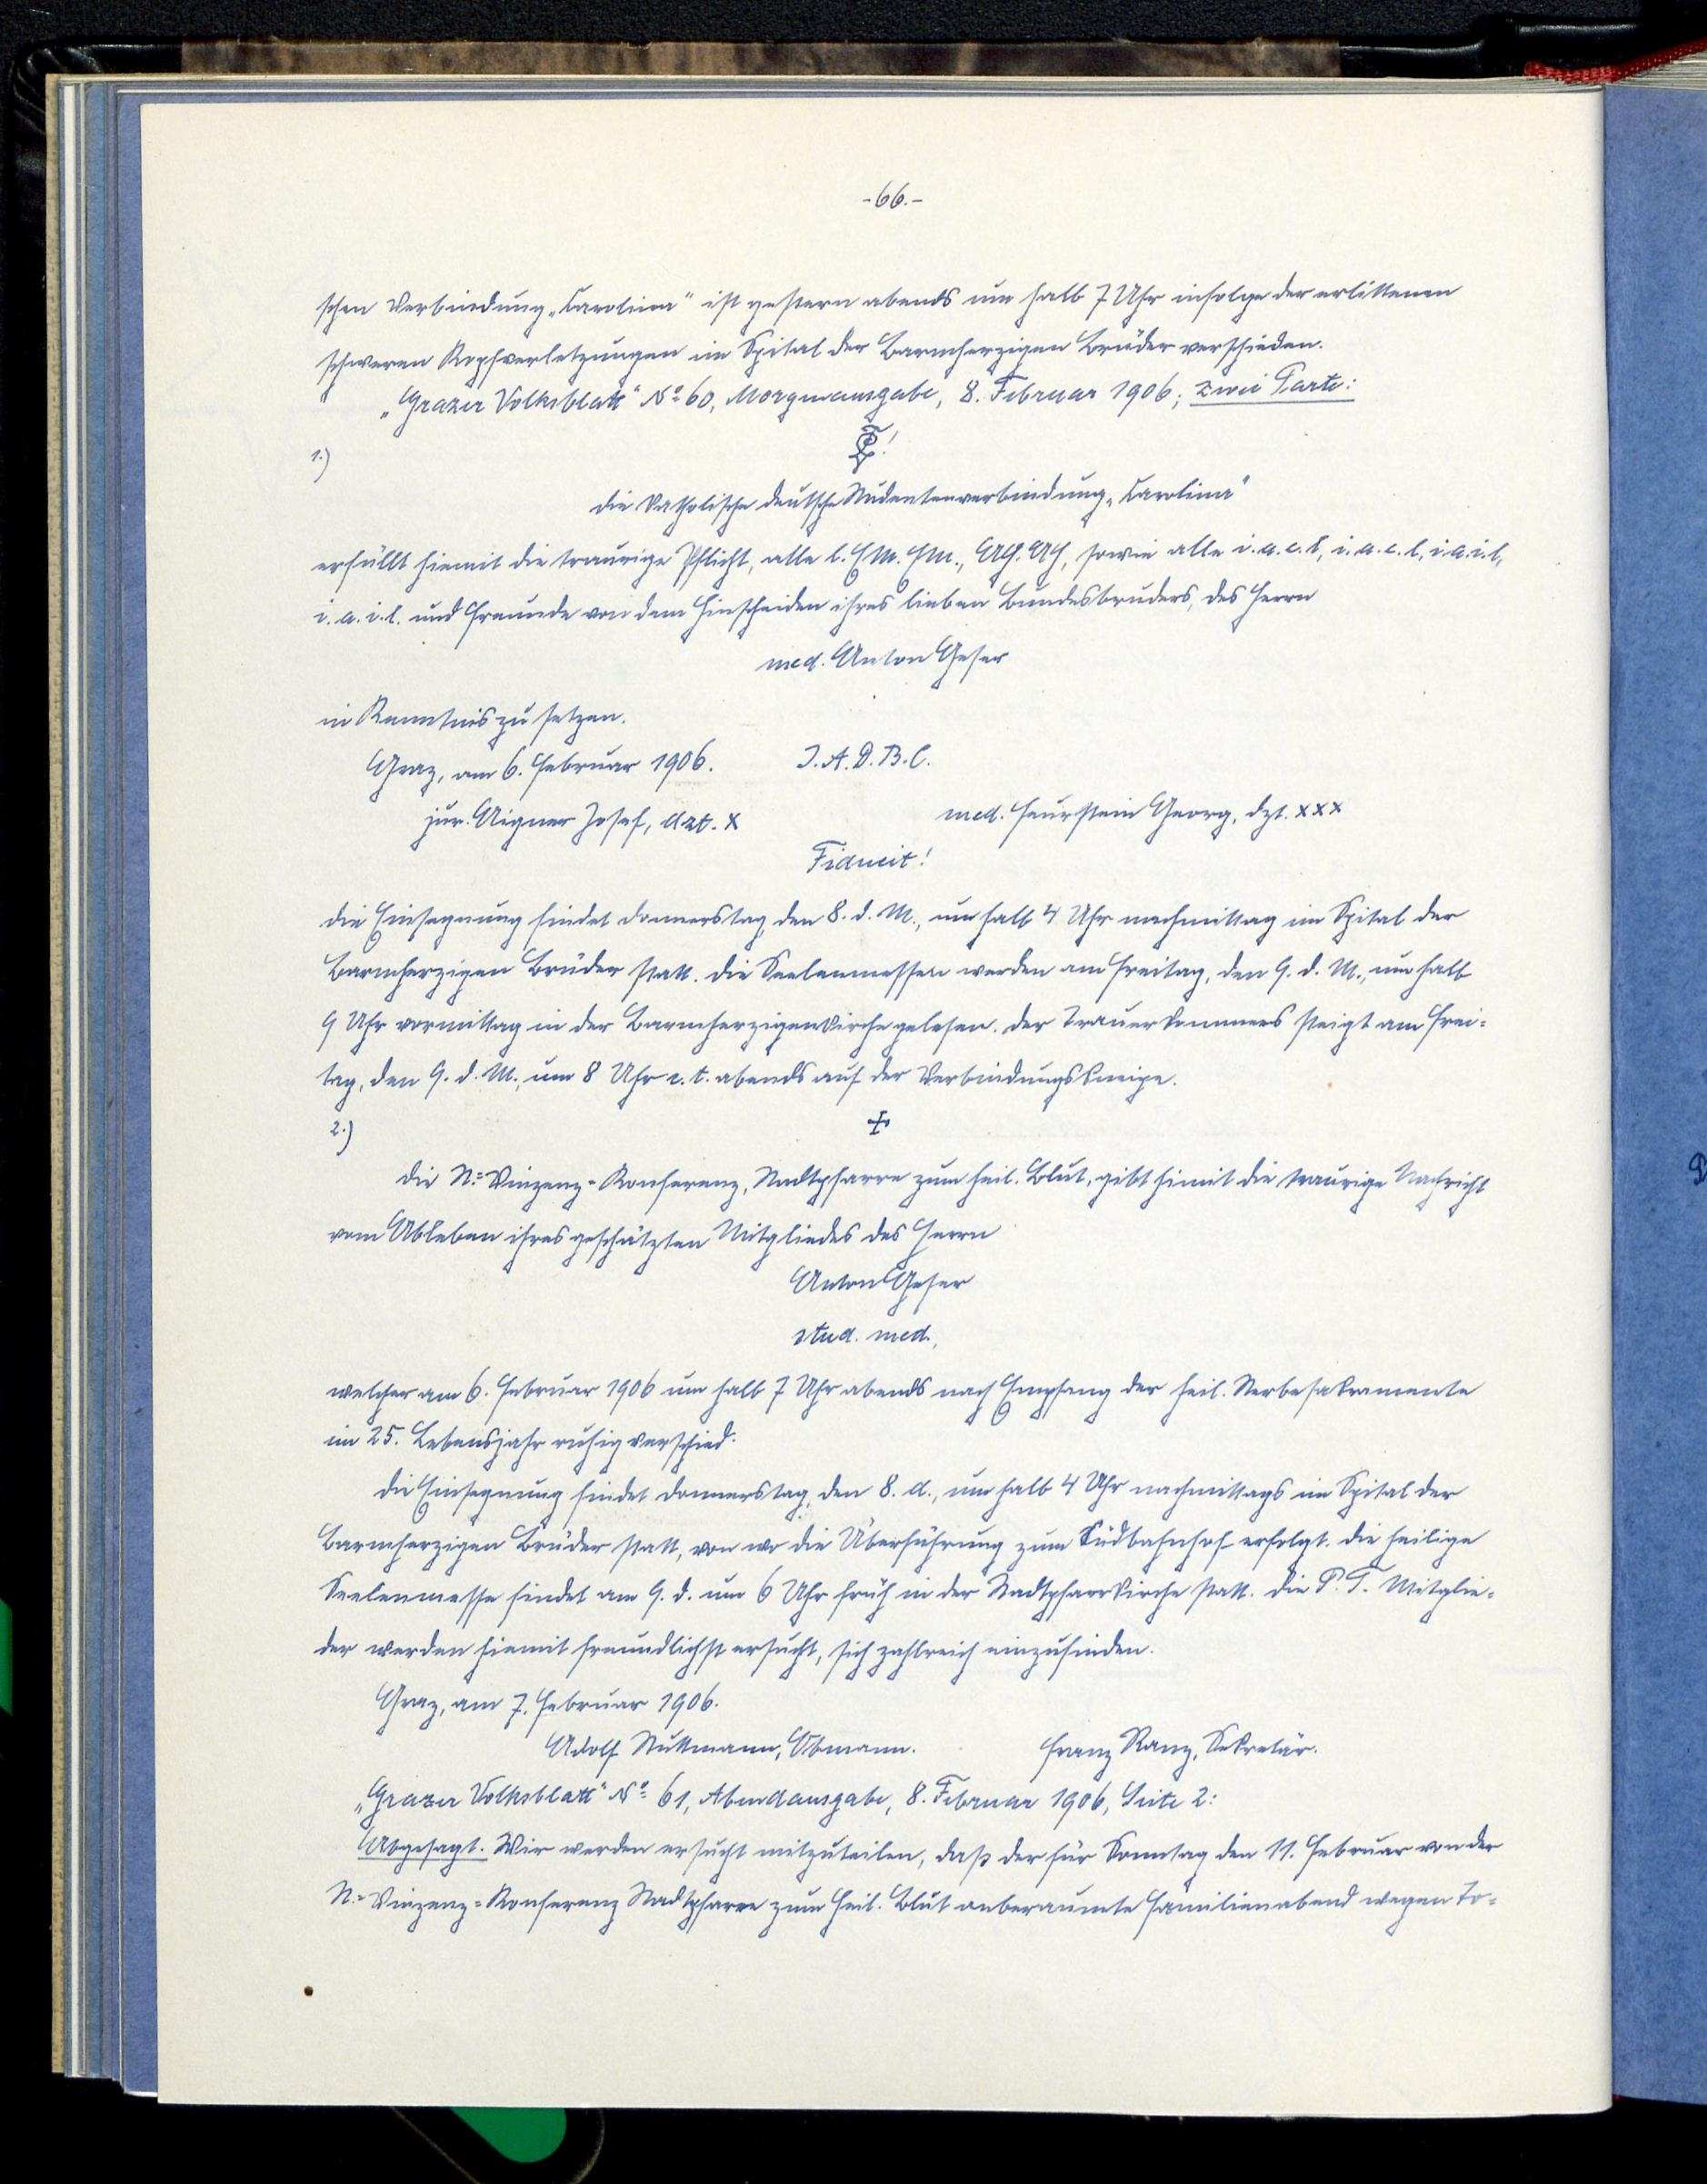66
ischen Verbindung „Carolina“ ist gestern abends um halb 7 Uhr infolge der erlittenen
schweren Kopfverletzungen im Spital der Barmherzigen Brüder verschieden.
„Grazer Volksblatt Nr. 60, Morgenausgabe, 8. Februar 1906, zwei Parte:
1)
Cl
Die katholische deutsche Studentenverbindung „Carolina“
erfüllt hiermit die traurige Pflicht, alle l. EM. EM., AH AH, sowie alle i. a. c. l. i. a. c. l., i. a. i. l.
i. a. i. l. und Freunde von dem Hinscheiden ihres lieben Bundesbruders, des Herrn
med. Anton Geser
in Kenntnis zu setzen.
Graz, am 6. Februar 1906
I. A. D. B. C.
iur. Aigner Josef dzt. X
med. Feuerstein Georg, dzt XXX
Fiducit!
Die Einsegnung findet Donnerstag den 8 d. M., um halb 4 Uhr nachmittag im Spital der
Barmherzigen Brüder statt. Die Seelenmessen werden am Freitag den 9. d. M., um halb
9 Uhr vormittag in der Barmherzigenkirche gelesen. Der Trauerkommers steigt am Frei-
tag, den 9. d. M. um 8 Uhr c. t .ebenfalls auf der Verbindungskneipe.
2)
Die St. Vinzenz-Konferenz, Stadtpfarre zum heil. Blut, gibt hiermit die traurige Nachricht
vom Ableben ihres geschätzten Mitglieds des Herrn
Anton Geser
stud. med.
welche am 6. Februar 1906 um halb 7 Uhr abends nach Empfang der heil. Sterbesakramente
im 25. Lebensjahr ruhig verschied.
Die Einsegnung findet Donnerstag den 8. d. M., um halb 4 Uhr nachmittags im Spital der
Barmherzigen Brüder statt, von wo die Überführung zum Südbahnhof erfolgt. Die heilige
Seelenmesse findet am 9. d. M. um 6 Uhr früh in der Stadtpfarrkirche statt. Die P.P. Die Mitglie-
der werden hiermit freundlichst ersucht, sich zahlreich einzufinden:
Graz, am 7. Februar 1906.
Adolf Suttmann, Obmann
Franz Ranz, Sekretär
„Grazer Volksblatt“ Nr 61, Abendausgabe, 8. Februar 1906, Seite 2:
„Abgesagt. Wir werden versucht mitzuteilen, daß der für Sonntag den 11. Februar von der
St. Vinzenz-Konferenz Stadtpfarre zum heil. Blut anberaumte Familienabend wegen To-